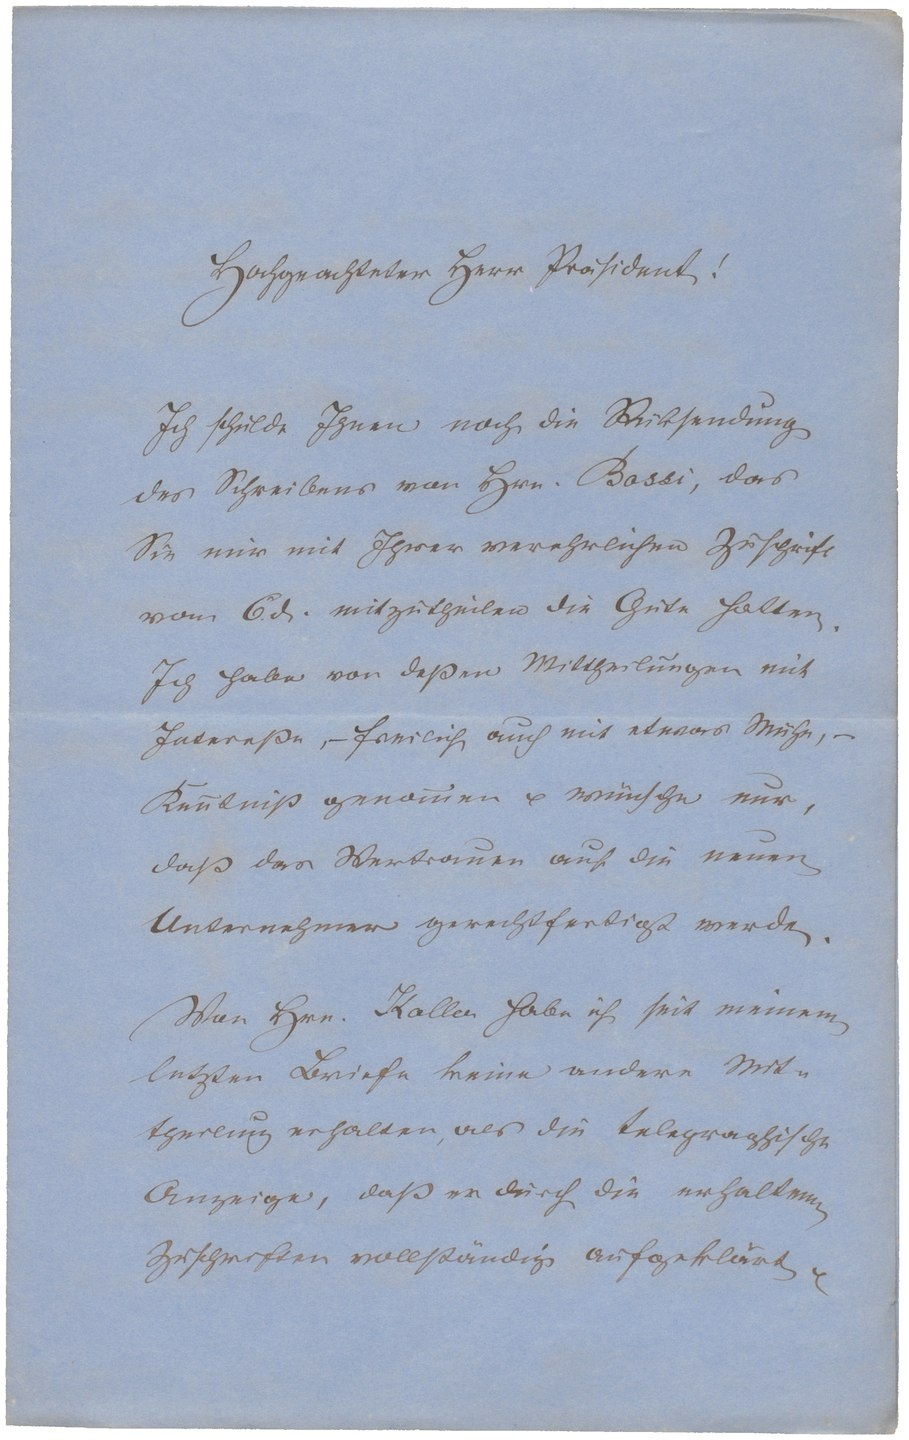Hochgeachteter Herr Präsident!
Ich schulde Ihnen noch die Rüksendung
des Schreibens von Hrn. Bossi, das
Sie mir mit Ihrer verehrlichen Zuschrift
vom 6.d. mitzutheilen die Güte hatten.
Ich habe von deßen Mittheilungen mit
Intereße, – freilich auch mit etwas Mühe, –
Kenntniß genommen & wünsche nur,
daß das Vertrauen auf die neuen
Unternehmer gerechtfertigt werde.
Von Hrn. Koller habe ich seit meinem
letzten Briefe keine andere Mit-
theilung erhalten, als die telegraphische
Anzeige, daß er durch die erhaltenen
Zuschriften vollständig aufgeklärt &